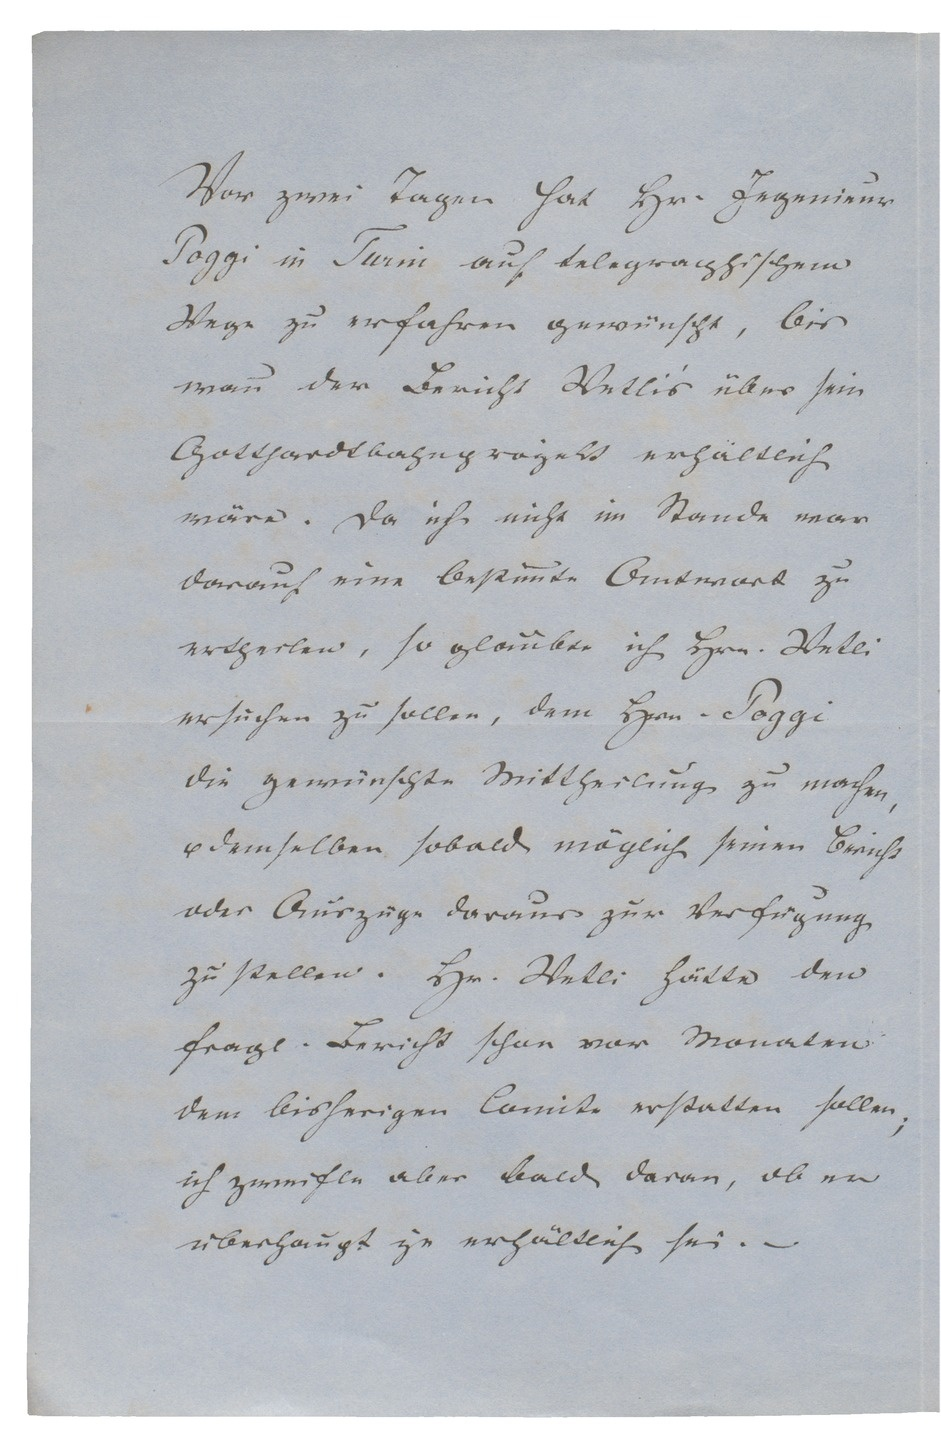Vor zwei Tagen hat Hr. Ingenieur
Poggi in Turin auf telegraphischem
Wege zu erfahren gewünscht, bis
wann der Bericht Wetli's über sein
Gotthardtbahnprojekt erhältlich
wäre. Da ich nicht im Stande war
darauf eine bestimmte Antwort zu
ertheilen, so glaubte ich Hrn. Wetli
ersuchen zu sollen, dem Hrn. Poggi
die gewünschte Mittheilung zu machen,
& demselben sobald möglich seinen Bericht
oder Auszüge daraus zur Verfügung
zu stellen. Hr. Wetli hätte den
fragl. Bericht schon vor Monaten
dem bisherigen Comite erstatten sollen;
ich zweifle aber bald daran, ob er
überhaupt je erhältlich sei. –